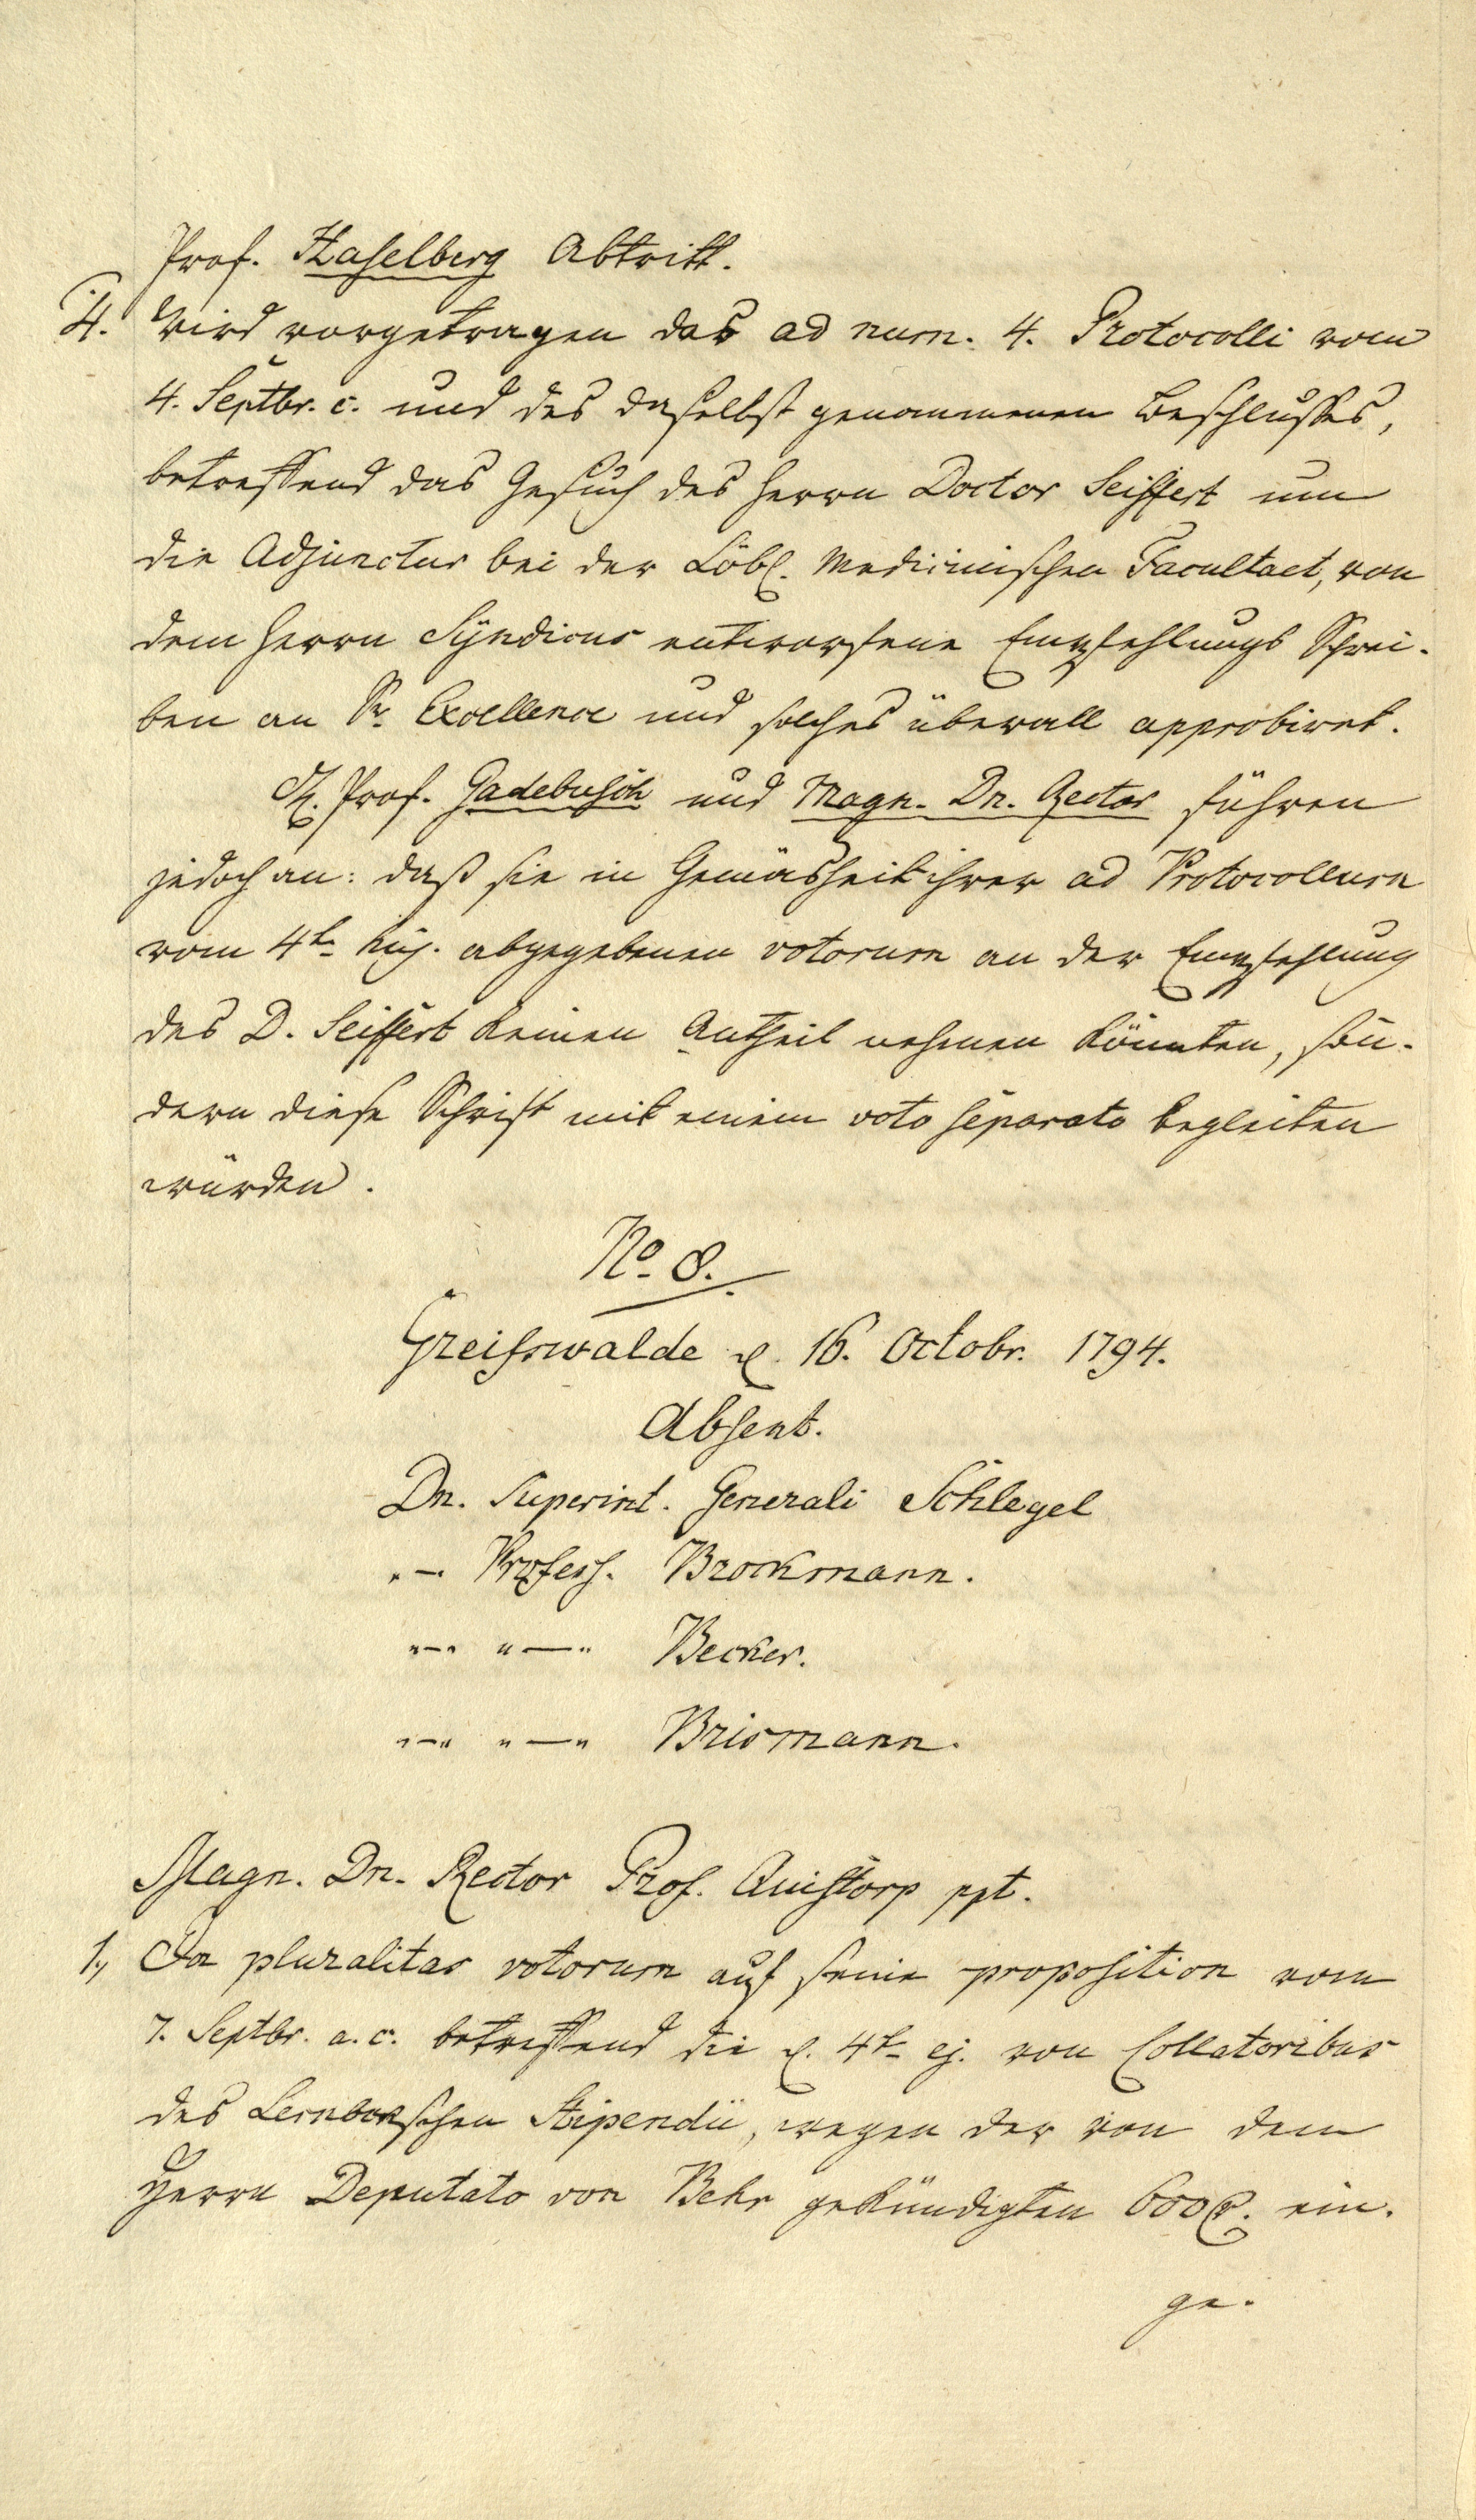Prof. Haselberg ABtritt.
4. Wird vorgetragen das ad num. 4. Protocolle vom
4. Septbr. c. un ddes daselbst genommenen Beschlusses
betreffend das Gesuch des herrn Doctor Seiffert um
die Adjunctur bei der Löbl. Medicinischen Facultaet, von
dem herrn Syndicus entworfene Empfehlungs Schrei-
ben an Sr. Excellence und solches überall approbiret.
dh. Prof. Gadebusch und Magn. Dn. Rector führen
jedoch an: daß sie in Gemäsheit ihrer ad Protocollum
vom 4ten huj. abgegebenen votorum an der Empfehlung
des D. Seiffert keinen Antheil nehmen könnten, son-
dern diese Schrift mit einem voto separato begleiten
würden.
No. 8./.
Greifswalde d. 16. Octobr. 1794.
Absent.
Dn. Superint. Generali Schlegel
" - " Profess. Brockmann.
" - " " - " Becker
" - " " - " Brismann.
Magn. Dn. Rector Prof. Quistorp ppt.
1., Da pluralitas votorum auf seine proposition vom
7. Septbr. a. c. betreffend d. 4ten ej. von Collatoribus
des Lembckschen Stipendii, wegen der von dem
Herrn Deputato von Behr gekündigten 600 rtl ein-
ge-